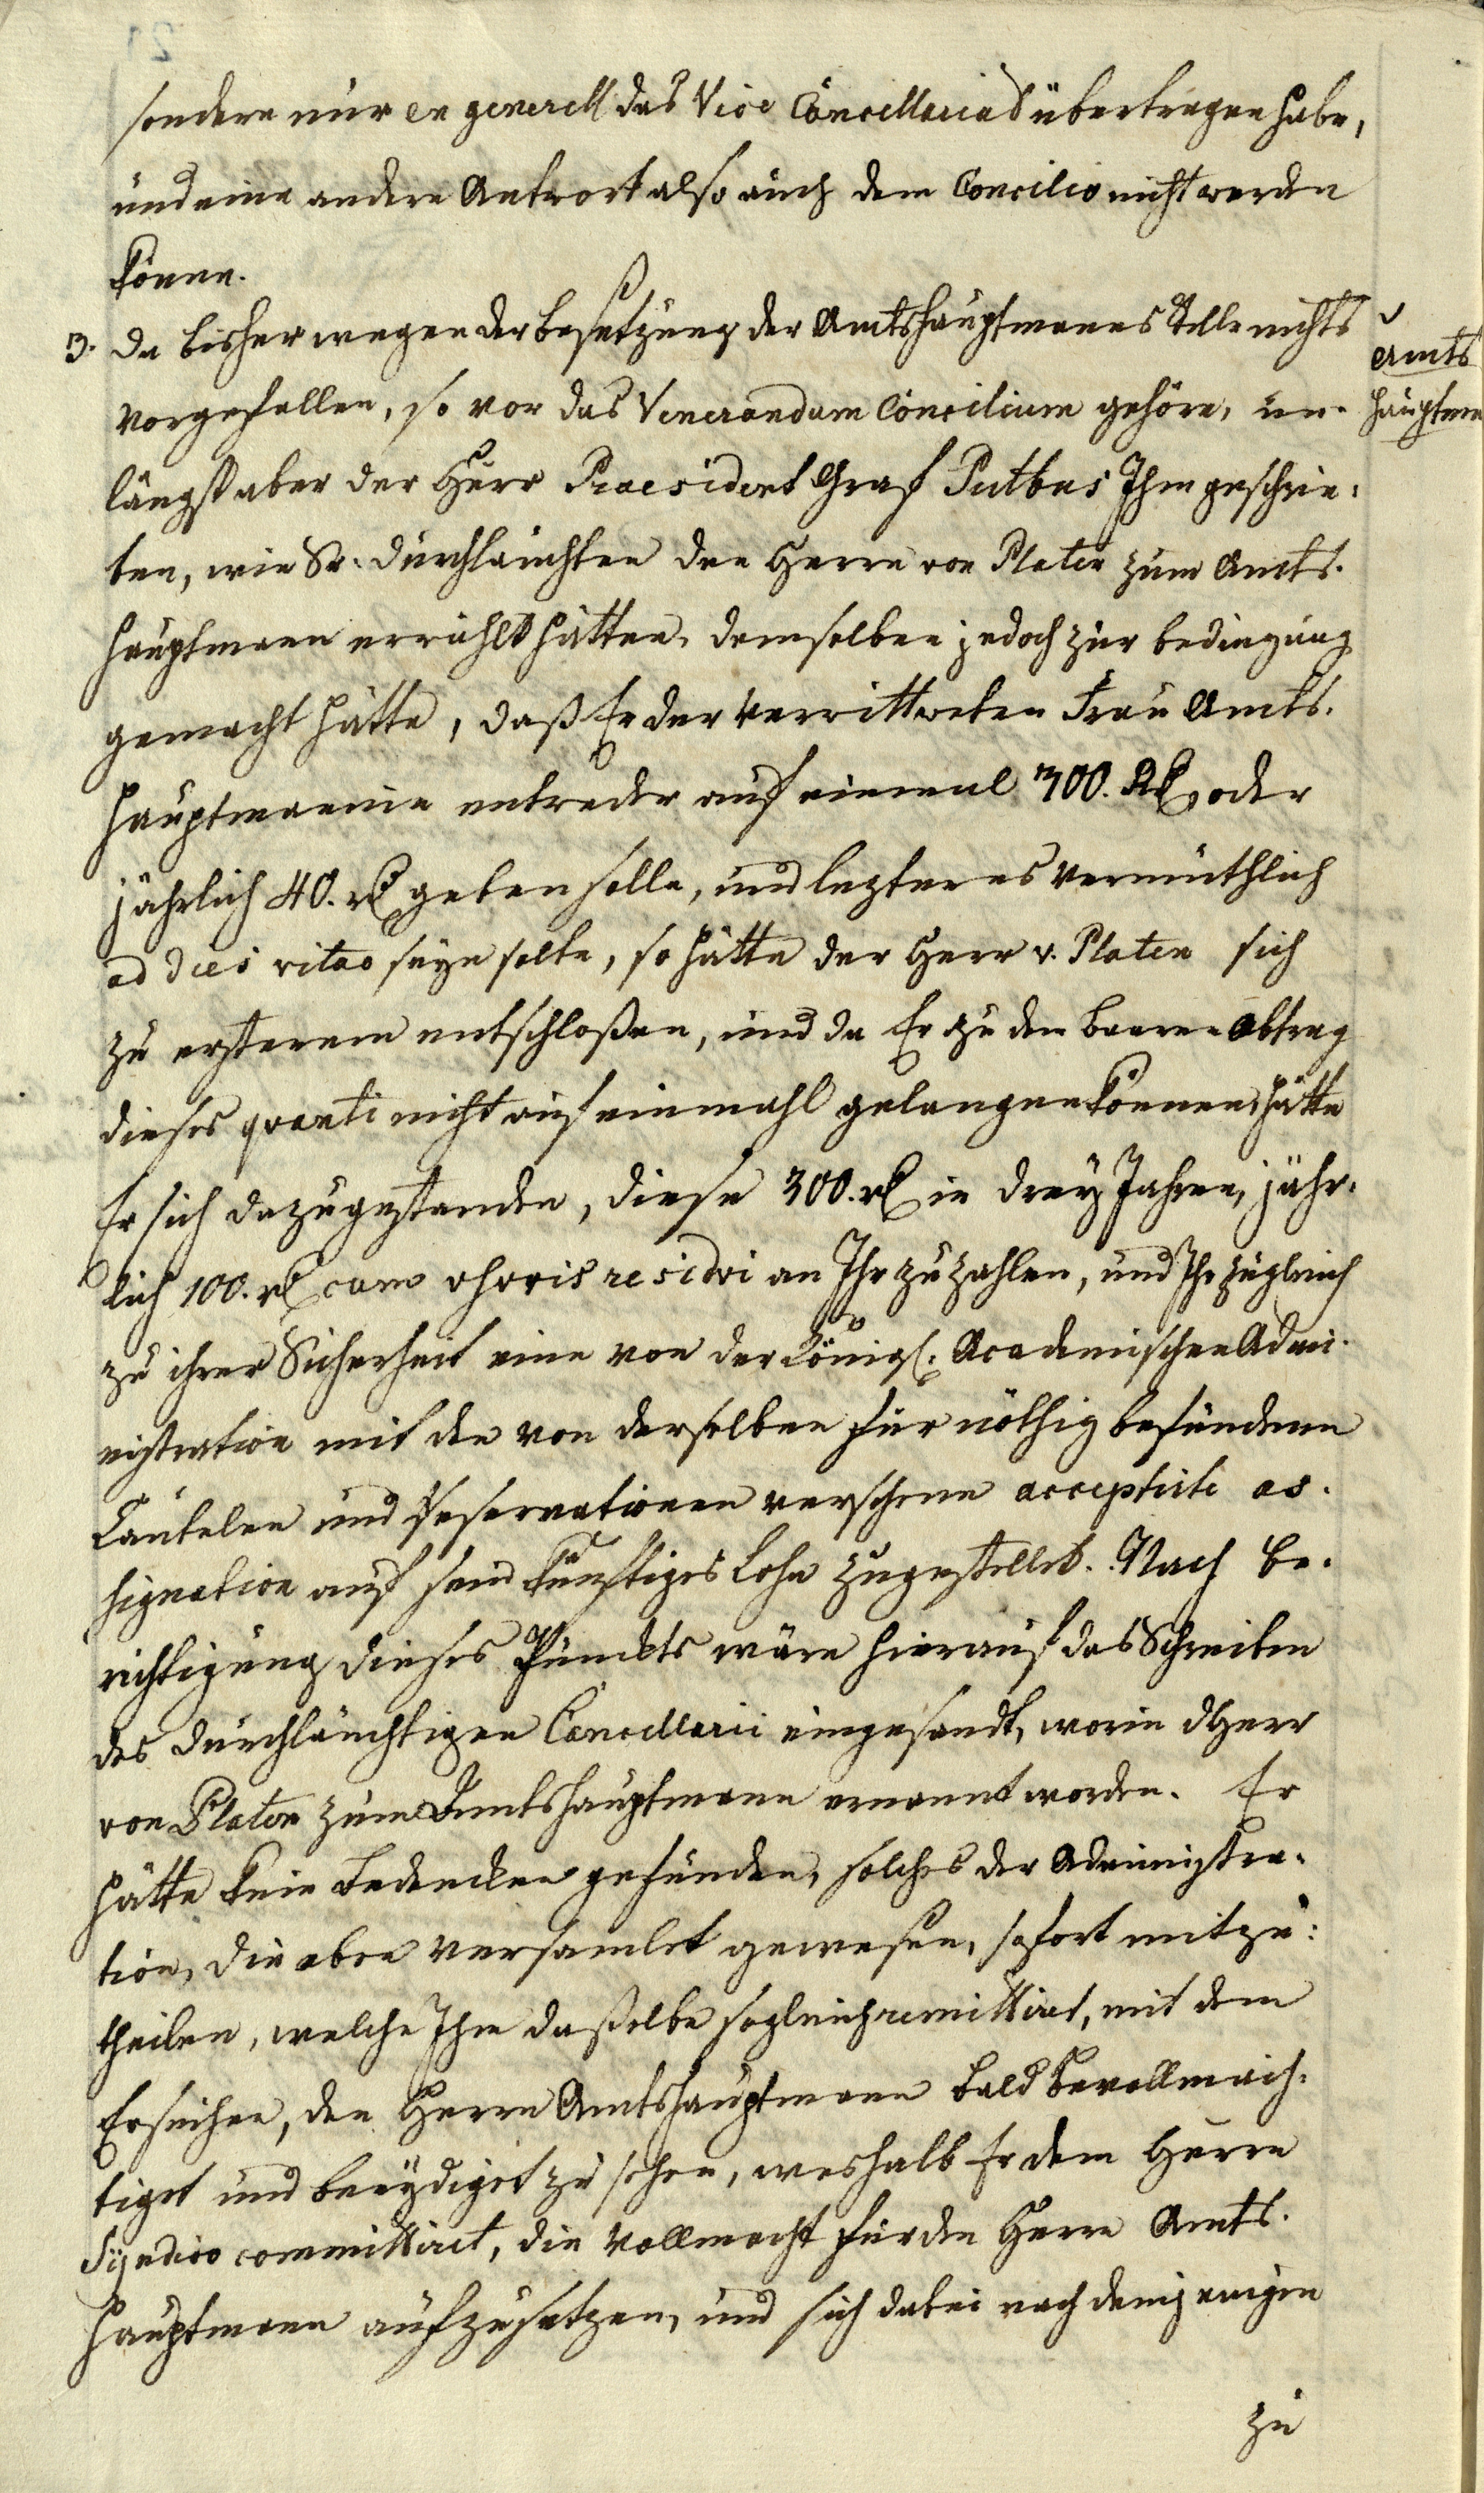sondern nur ex generell das Vice Cancellariat übertragen habe,
und eine andere Antwort also auch dem Concilio nicht werden
könne.
3 Da bisher wegen der Besetzung der Amtshauptmanns Stelle nichts
vorgefallen, so vor das Venerandum Concilium gehöre, un¬
längst aber der Herr Praesident Graf Putbus Ihm geschrie¬
ben, wie Sr Durchlauchten den Herrn von Platen zum Amts¬
hauptmann erwählt hätten, demselben jedoch zur Bedingung
gemacht hätte, daß Er der verwittweten Frau Amts¬
Hauptmaenin entweder auf einmahl 300 Rl. oder
jährlich 40. rl. geben solle, und lezteres vermuthlich
ad dies vitae seÿn solte, so hätte der Herr v. Platen sich
zu ersterem entschloßen, und da Er zu dem Baaren Abtrag
dieses quanti nicht auf einmahl gelangen können hätte
Er sich dazu gestanden, diese 300. rl in dreÿ Jahren, jähr¬
lich 100. rl cum vsvris residvi an Ihr zu zahlen, und Ihr zugleich
zu ihrer Sicherheit eine von der Königl: Academischen Admi
nistration mit der von derselben für nöthig befundene
Lautelen und Reservationen verschone acceptirte as¬
signation auf sein künftiges Lohn zugestellet. Nach Be¬
richtigung dieses Punckts wäre hierauf das Schreiben
des Durchlauchtigen Cancellarii eingesandt, worin d Herr
von Platen zum Amtshauptmann ernannt worden. Er
hätte kein Bedencken gefunden, solches der Administra¬
tion, die oben versamlet gewesen, sofort mitzu¬
theilen, welche ihm daßelbe sogleich remittiret, mit dem
Ersuchen, den Herrn Amtshauptmann bald bevollmäch¬
tiget und beeÿdiget er sehen, weshalb Er dem Herrn
Sÿndico committiret, die Vollmacht für den Herrn Amts
Hauptmann aufzusetzen, und sich dabei nach demjenigen
zu